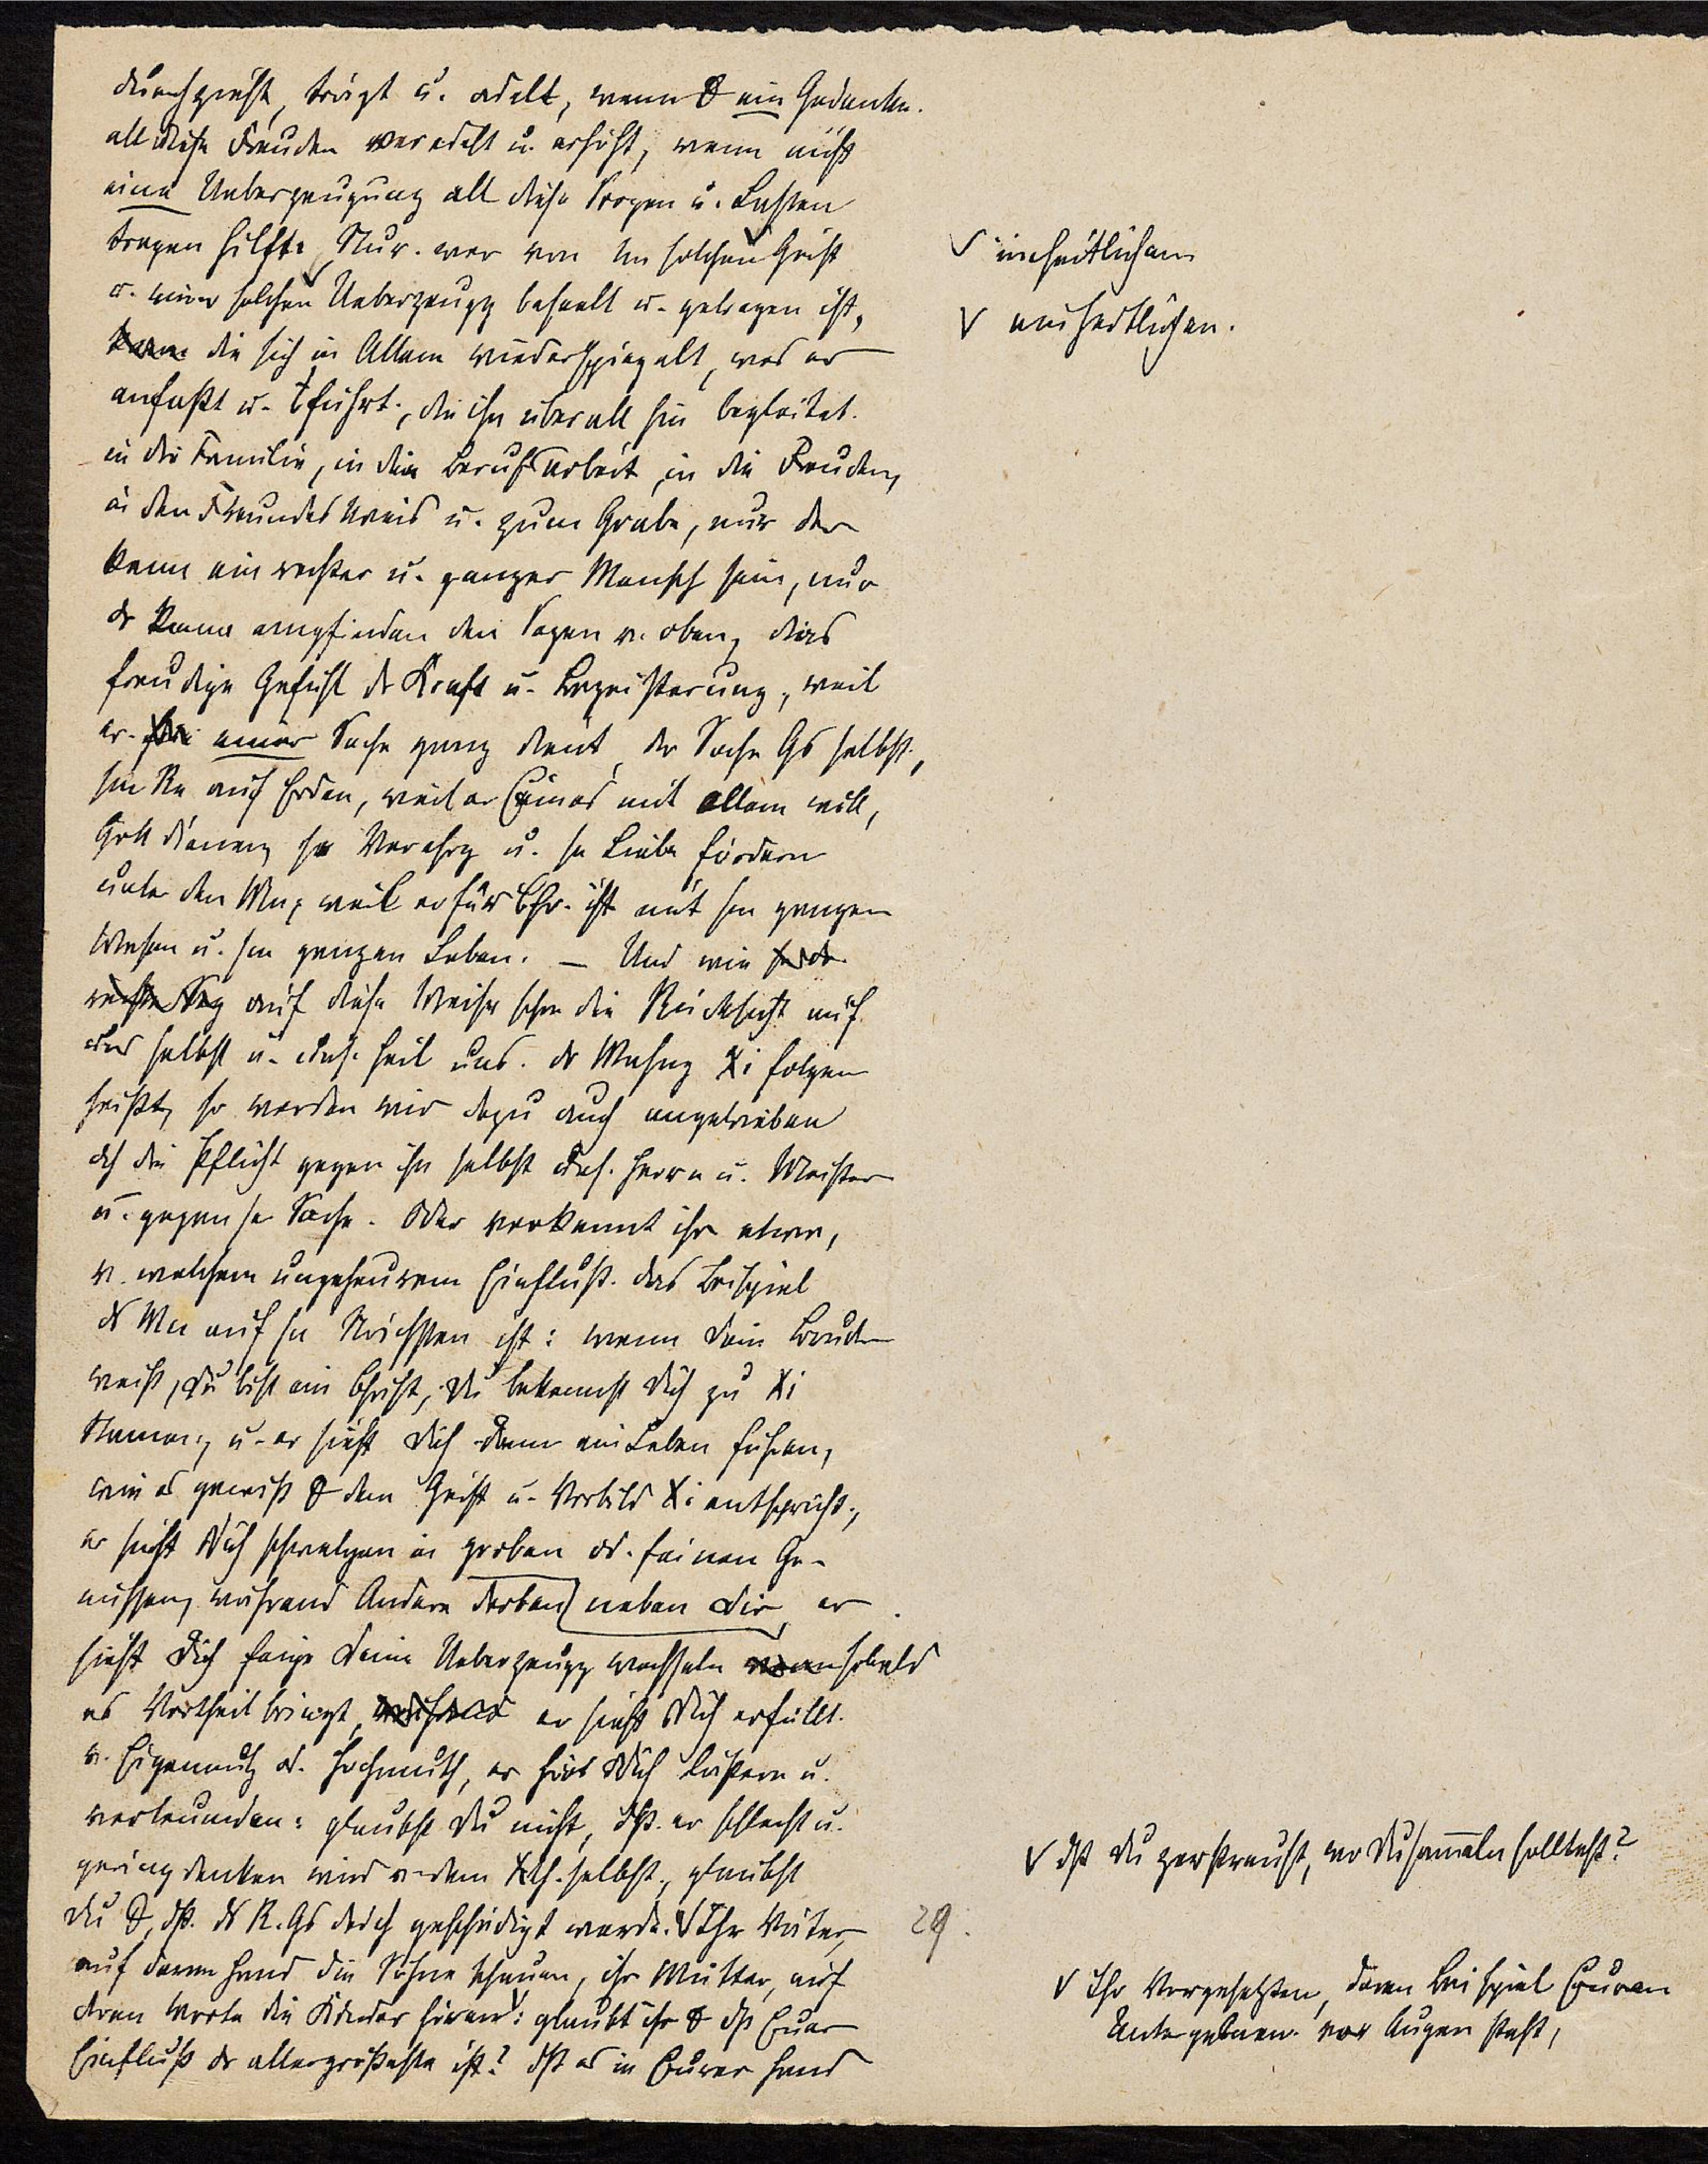durchzieht, trägt u. adelt, wenn o ein Gedanke
all diese Freuden veredelt u. erhöht, wenn nicht
eine Ueberzeugung all dies Sorgen u. Lasten
tragen hilft: Nur. wer von 1m solchen Geist
u. einer solchen Ueberzeugg. besslt u. getragen ist,
kann die sich in Allem wiederspiegelt, was er
anfaßt u. sführt; die ihn überall hin begleitet.
in die Familie, in die Berufsarbeit, in die Rouden,
in den Freundeskreis u. zum Grabe, nur der
kann ein rechter u. ganzer Mensch sein, nur
dr kann empfinden den Segen v. oben, das
freudige Gefühl dr Kraft u. Begeisterung, weil
er frei einer Sache ganz dient, der Sache Gs selbst,
sm Re auf Erden, weil er Eines mit allem will,
Gott dienen, sr Verehrg. u. sn. Liebe fördern
unter den Mn, weil er für Chr. ist mit sm ganzen
Wesen u. sm ganzen Leben. _ Und wie so dr.
rechte Seg auf diese Weise schon die Rücksicht auf
uns selbst u. uns. Heil uns. dr Mahng Χι folgen
heißt, so werden wir dazu auch angetrieben
dch die Pflicht gegen ihn selbst uns. Herrn u. Meister
u. gegen sn Sache. Wer verkennt ihr etwa,
v. welchem ungeheuren Einfluß das Beispiel
ds Mn auf sn Nächsten ist: wenn dein Bruder
weiß, du bist ein Christ; Du bekennst Dich zu Χι
Namen, u. er sieht Dich dann ein Leben führen,
wie es gewiß o dem Geist u. Vorbild Χι entspricht,
er sieht Dich schwelgen in groben od. feinen Ge¬
nüssen, während Andere darben neben Dir, er
sieht Dich feige Deine Ueberzeugg. wechseln wenn sobald
es Vortheil bringt, während er sieht Dich erfüllt.
v Eigennutz od. Hochmuth, er hört Dich lästern u.
verleumden: glaubst Du nicht, daß er schlecht u.
gering denken wird v. dem Χth. selbst., glaubst
Du o, dß das R. Gs dadch geschädigt werde. V Ihr Väter,
auf deren Hand die Söhne schauen, ihr Mütter auf
deren Worte die Kinder hören: glaubt ihr o dß Euer
Einfluß dr allergrößeste ist? Dß es in Eurer Hand
29
V einheitlichen.
V einheitlichen.
V dß Du zerstreust, wo du sameln solltest?
V ihr Vorgesetzten, deren Beispiel Euren
Untergebnen vor Augen steht